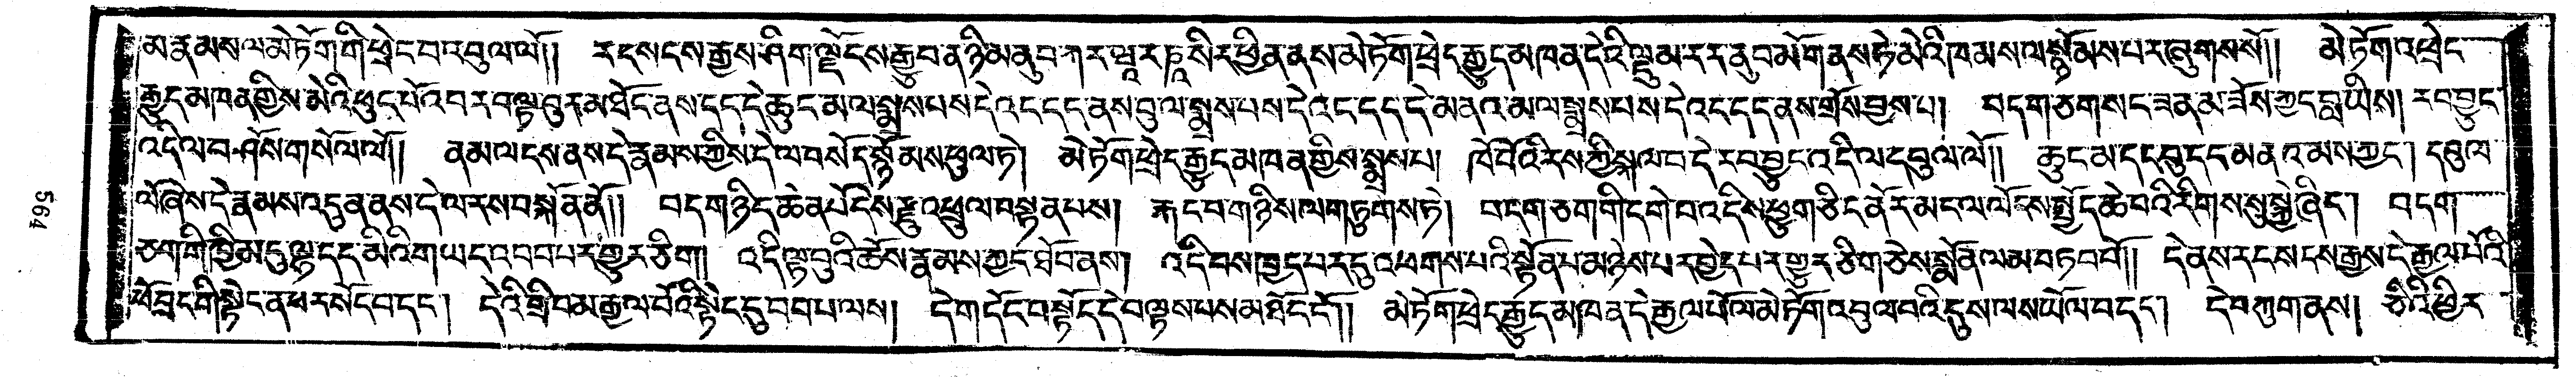མ་རྣམས་ལ་མེ་ཏོག་གི་ཕྲེང་བ་འབུལ་ལོ།། རང་སངས་རྒྱས་ཤིག་ལྗོངས་རྒྱུབ་ན་ཉི་མ་ནུབ་ཀར་ཝཱ་ར་ཎཱ་སིར་ཕྱིན་ནས་མེ་ཏོག་ཕྲེང་རྒྱུད་མཁན་དེའི་ལྡུམ་རར་ནུབ་མོ་གནས་ཏེ་མེའི་ཁམས་ལ་སྙོམས་པར་ཞུགས་སོ།། མེ་ཏོག་འཕྲེང་
རྒྱུད་མཁན་གྱིས་མེའི་ཕུང་པོ་འབར་བལྟ་བུར་མཐོང་ནས་དད་དེ་ཆུང་མ་ལ་སྨྲས་པས་དེའང་དད་ནས་བུ་ལ་སྨྲས་པས་དེའང་དད་དེ་མནའ་མ་ལ་སྨྲས་པས་དེའང་དད་ནས་གྲོས་བྱས་པས། བདག་ཅག་སང་ཟན་མ་ཟོས་ཀྱང་བླ་ཡིས། རབ་བྱུང་
འདི་ལ་བཤོས་གསོལ་ལོ།། ནམ་ལངས་ནས་དེ་རྣམས་ཀྱིས་དེ་ལ་བསོད་སྙོམས་ཕུལ་ཏེ། མེ་ཏོག་ཕྲེང་རྒྱུད་མཁན་གྱིས་སྨྲས་པ། ཁོ་བོའི་རས་ཀྱི་སྐལ་བ་དེ་རབ་བྱུང་འདི་ལ་དབུལ་ལོ།། ཆུང་མ་དང་བུ་དང་མནའ་མས་ཀྱང་། དབུལ་
ལོ་ཞེས་དེ་རྣམས་འདུན་ནས་དེ་ལ་རས་བསྐོན་ནོ།། བདག་ཉིད་ཆེན་པོ་དེས་རྫུ་འཕྲུལ་བསྟན་པས། རྐང་བ་གཉིས་ལ་གཏུགས་ཏེ། བདག་ཅག་གི་དགེ་བ་འདིས་ཕྱུག་ཅིང་ནོར་མངལ་ལོངས་སྤྱོད་ཆེ་བའི་རིགས་སུ་སྐྱེ་ཞིང་། བདག་
ཅག་གི་ཁྱིམ་དུ་ལྷ་དད་མིའི་གཡང་འབབ་པར་གྱུར་ཅིག། འདི་ལྟ་བུའི་ཆོས་རྣམས་ཀྱང་ཐོབ་ནས། འདི་བས་ཁྱད་པར་དུ་འཕགས་པའི་སྟོན་པ་མཉེས་པར་བྱེད་པར་གྱུར་ཅིག་ཅེས་སྨོན་ལམ་བཏབ་བོ།། དེ་ནས་རང་སངས་རྒྱས་དེ་རྒྱལ་པོའི་
ཕོ་བྲང་གི་སྟེང་ན་ཕར་སོང་བ་དང་། དེའི་གྲིབ་མ་རྒྱལ་པོའི་སྟེང་དུ་བབ་པ་ལས། དེ་གདོང་བསྟོད་དེ་བལྟས་པས་མཐོང་ངོ།། མེ་ཏོག་ཕྲེང་རྒྱུད་མཁན་དེ་རྒྱལ་པོ་ལ་མེ་ཏོག་འབུལ་བའི་དུས་ལས་ཡོལ་བ་དང་། དེ་བཀུག་ནས། ཅིའི་ཕྱིར་